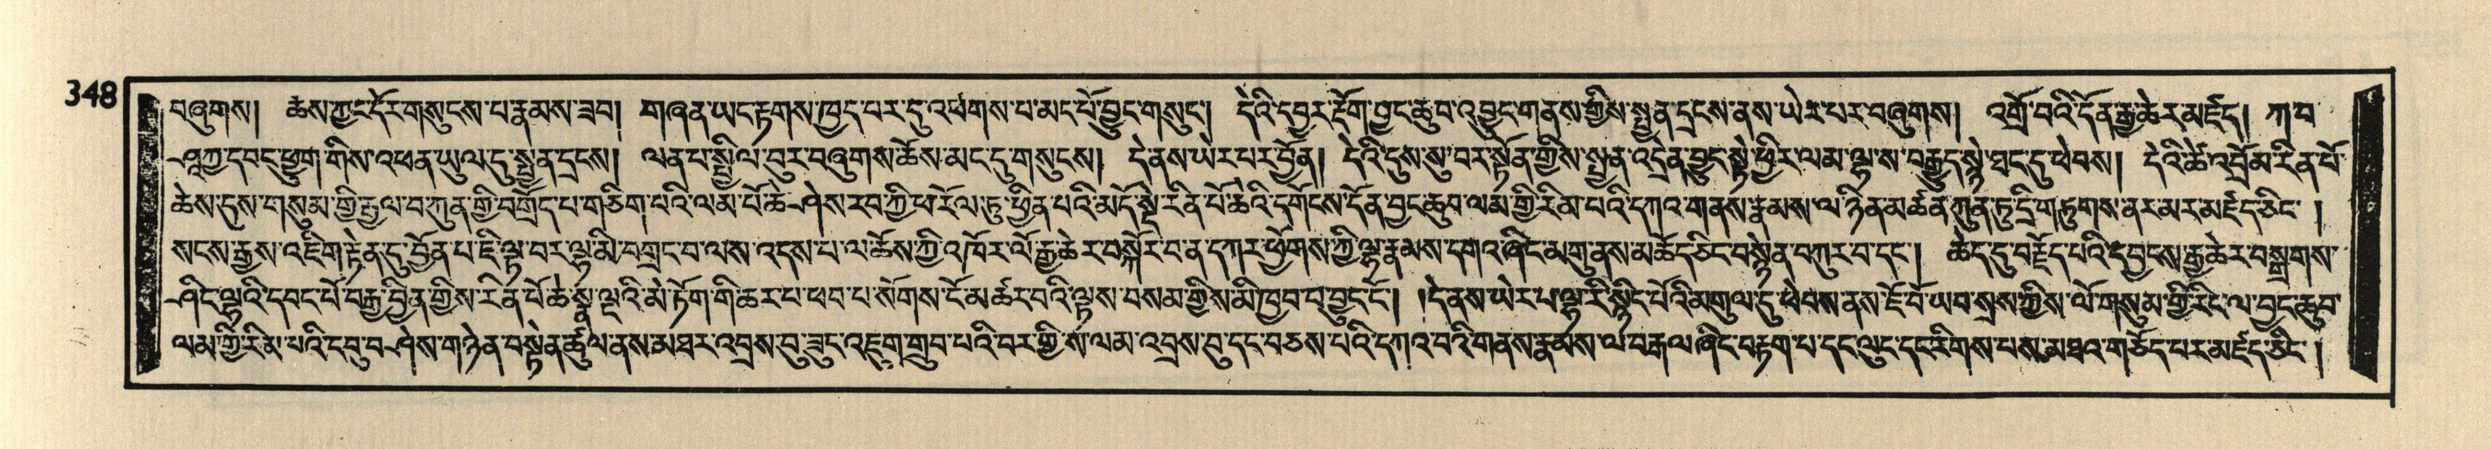བཞུགས། ཆོས་ཀྱང་དོར་གསུངས་པ་རྣམས་ཟབ། གཞན་ཡང་རྟགས་ཁྱད་པར་དུ་འཕེབས་པ་མང་པོ་བྱུང་གསུང་། དེའི་དབྱར་རྡོག་བྱང་ཆུབ་འབྱུང་གནས་གྱིས་སྤྱན་དྲངས་ནས་ཡེར་པར་བཞུགས། འགྲོ་བའི་དོན་རྒྱ་ཆེར་མཛད། ཀ་བ་
ཤཱཀྱ་དབང་ཕྱུག་གིས་འཕན་ཡུལ་དུ་སྤྱན་དྲངས། ལན་པ་སྤྱིལ་བུར་བཞུགས་ཆོས་མང་དུ་གསུངས། དེ་ནས་ཡེར་པར་བྱོན། དེའི་དུས་སུ་བར་སྟོན་གྱིས་སྤྱན་འདྲེན་བྱུང་སྟེ་ཕྱིར་ལམ་ལྷ་ས་བརྒྱུད་སྙེ་ཐང་དུ་ཕེབས། དེའི་ཚེ་འབྲོམ་རིན་པོ་
ཆེས་དུས་གསུམ་གྱི་རྒྱལ་བ་ཀུན་གྱི་བགྲོད་པ་གཅིག་པའི་ལམ་པོ་ཆེ་ཤེས་རབ་ཀྱི་ཕ་རོལ་ཏུ་ཕྱིན་པའི་མདོ་སྡེ་རིན་པོ་ཆེའི་དགོངས་དོན་བྱང་ཆུབ་ལམ་གྱི་རིམ་པའི་དཀའ་གནས་རྣམས་ལ་ཉིན་མཚན་ཀུན་ཏུ་དྲི་གཏུགས་ནར་མར་མཛད་ཅིང་།
སངས་རྒྱས་འཇིག་རྟེན་དུ་བྱོན་པ་ཇི་ལྟ་བར་ལྷ་མི་བགྲང་བ་ལས་འདས་པ་ལ་ཆོས་ཀྱི་འཁོར་ལོ་རྒྱ་ཆེར་བསྐོར་བ་ན་དཀར་ཕྱོགས་ཀྱི་ལྷ་རྣམས་དགའ་ཞིང་མགུ་ནས་མཆོད་ཅིང་བསྙེན་བཀུར་བ་དང་། ཆེད་དུ་བརྗོད་པའི་དབྱངས་རྒྱ་ཆེར་བསྒྲགས་
ཤིང་ལྷའི་དབང་པོ་བརྒྱ་བྱིན་གྱིས་རིན་པོ་ཆེ་སྣ་ལྔའི་མེ་ཏོག་གི་ཆར་པ་ཕབ་པ་སོགས་ངོ་མཚར་བའི་ལྟས་བསམ་གྱིས་མི་ཁྱབ་པ་བྱུང་ངོ། །དེ་ནས་ཡེར་པ་ལྷ་རི་སྙིང་པོའི་མགུལ་དུ་ཕེབས་ནས་ཇོ་བོ་ཡབ་སྲས་ཀྱིས་ལོ་གསུམ་གྱི་རིང་ལ་བྱང་ཆུབ་
ལམ་གྱི་རིམ་པའི་དབུ་བཤེས་གཉེན་བསྟེན་ཚུལ་ནས་མཐར་འབྲས་བུ་ཟུང་འཇུག་གྲུབ་པའི་བར་གྱི་ས་ལམ་འབྲས་བུ་དང་བཅས་པའི་དཀའ་བའི་གནས་རྣམས་ལ་བརྒལ་ཞིང་བརྟག་པ་དང་ལུང་དང་རིགས་པས་མཐའ་གཅོད་པར་མཛད་ཅིང་།